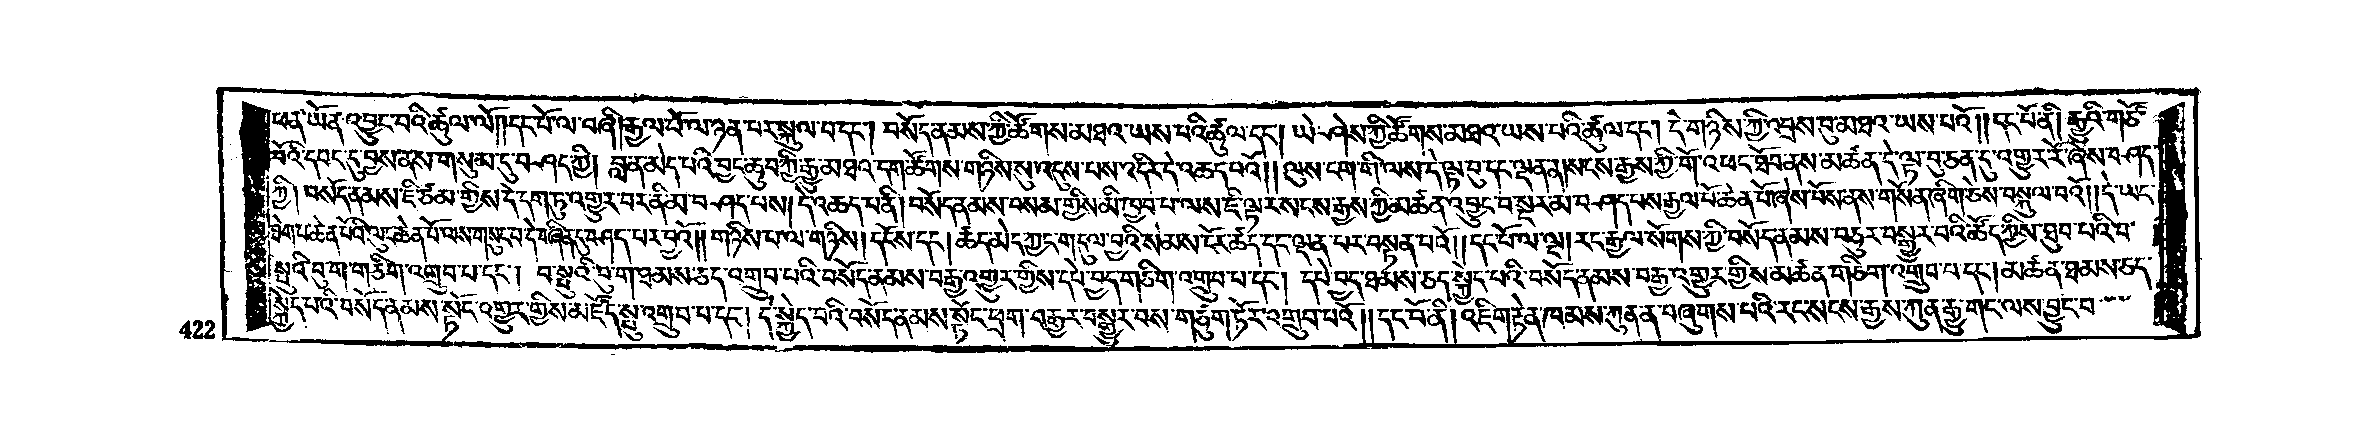ཕན་ཡོན་འབྱུང་བའི་ཚུལ་ལོ། །དང་པོ་ལ་བཞི། རྒྱལ་པོ་ལ་ཉན་པར་སྐུལ་བ་དང་། བསོད་ནམས་ཀྱི་ཚོགས་མཐའ་ཡས་པའི་ཚུལ་དང་། ཡེ་ཤེས་ཀྱི་ཚོགས་མཐའ་ཡས་པའི་ཚུལ་དང་། དེ་གཉིས་ཀྱི་འབྲས་བུ་མཐའ་ཡས་པའོ། །དང་པོ་ནི། རྒྱུའི་གཙོ་
བོའི་དབང་དུ་བྱས་ནས་གསུམ་དུ་བཤད་ཀྱི། བླ་ན་མེད་པའི་བྱང་ཆུབ་ཀྱི་རྒྱུ་མཐའ་དག་ཚོགས་གཉིས་སུ་འདུས་པས་འདིར་དེ་འཆད་པའོ། །ལུས་ངག་གི་ལས་དེ་ལྟ་བུ་དང་ལྡན་ན། སངས་རྒྱས་ཀྱི་གོ་འཕང་ཐོབ་ནས་མཚན་དེ་ལྟ་བུ་ཅན་དུ་འགྱུར་རོ་ཞེས་བཤད་
ཀྱི། བསོད་ནམས་ཇི་ཙམ་གྱིས་དེ་དག་ཏུ་འགྱུར་བར་ནི་མ་བཤད་པས། དེ་འཆད་པ་ནི། །བསོད་ནམས་བསམ་གྱིས་མི་ཁྱབ་པ་ལས་ཇི་ལྟར་སངས་རྒྱས་ཀྱི་མཚན་འབྱུང་བ་སྔར་མ་བཤད་པས་རྒྱལ་པོ་ཆེན་པོ་ཞེས་པོས་ནས་གསོན་ཞིག་ཅེས་བསྐུལ་བའོ། །དེ་ཡང་
ཐེག་པ་ཆེན་པོའི་ལུང་ཆེན་པོ་ལས་གསུང་པ་དེ་བཞིན་དུ་བཤད་པར་བྱའོ། །གཉིས་པ་ལ་གཉིས། དངོས་དང་། ཚད་མེད་ཀྱང་གདུལ་བྱའི་སེམས་ངོར་ཚད་དང་ལྡན་པར་བསྟན་པའོ། །དང་པོ་ལ་ལྔ། རང་རྒྱལ་སོགས་ཀྱི་བསོད་ནམས་བཅུར་བསྒྱུར་བའི་ཚོད་ཀྱིས་ཐུབ་པའི་བ་
སྤུའི་བུ་ག་གཅིག་འགྲུབ་པ་དང་། བ་སྤུའི་བུ་ག་ཐམས་ཅད་འགྲུབ་པའི་བསོད་ནམས་བརྒྱ་འགྱུར་གྱིས་དཔེ་བྱད་གཅིག་འགྲུབ་པ་དང་། དཔེ་བྱད་ཐམས་ཅད་སྐྱེད་པའི་བསོད་ནམས་བརྒྱ་འགྱུར་གྱིས་མཚན་གཅིག་འགྱུར་བ་དང་། མཚན་ཐམས་ཅད་
སྐྱེད་པའི་བསོད་ནམས་སྟོང་འགྱུར་གྱིས་མཛོད་སྤུ་འགྲུབ་པ་དང་། དེ་སྐྱེད་པའི་བསོད་ནམས་སྟོང་ཕྲག་བརྒྱར་བསྒྱུར་བས་གཙུག་ཏོར་འགྲུབ་པའོ། །དང་པོ་ནི། འཇིག་རྟེན་ཁམས་ཀུན་ན་བཞུགས་པའི་རང་སངས་རྒྱས་ཀུན་རྒྱུ་གང་ལས་བྱུང་བ་